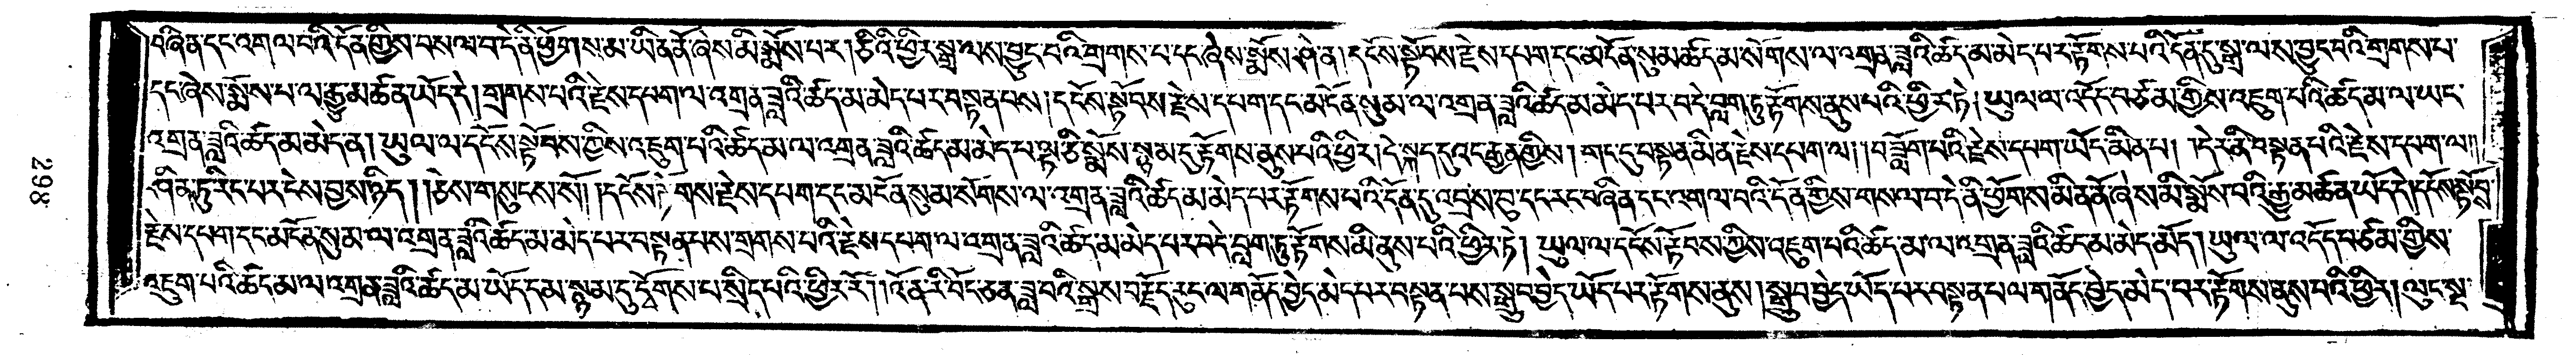བཞིན་དང་འགལ་བའི་དོན་གྱིས་བསལ་བ་དེ་ནི་ཕྱོགས་མ་ཡིན་ནོ་ཞེས་མི་སྨོས་པར། ཅིའི་ཕྱིར་སྒྲ་ལས་བྱུང་བའི་གྲགས་པ་དང་ཞེས་སྨོས་ཤེ་ན། དངོས་སྟོབས་རྗེས་དཔག་དང་མངོན་སུམ་ཚད་མ་སོགས་ལ་འགྲན་ཟླའི་ཚད་མ་མེད་པར་རྟོགས་པའི་དོན་དུ་སྒྲ་ལས་བྱུང་བའི་གྲགས་པ་
དང་ཞེས་སྨོས་པ་ལ་རྒྱུ་མཚན་ཡོད་དེ། གྲགས་པའི་རྗེས་དཔག་ལ་འགྲན་ཟླའི་ཚད་མ་མེད་པར་བསྟན་པས། དངོས་སྟོབས་རྗེས་དཔག་དང་མངོན་སུམ་ལ་འགྲན་ཟླའི་ཚད་མ་མེད་པར་བདེ་བླག་ཏུ་རྟོགས་ནུས་པའི་ཕྱིར་ཏེ། ཡུལ་ལ་འདོད་པ་ཙམ་གྱིས་འཇུག་པའི་ཚད་མ་ལ་ཡང་
འགྲན་ཟླའི་ཚ་མ་མེད་ན། ཡུལ་ལ་དངོས་སྟོབས་ཀྱིས་འཇུག་པའི་ཚད་མ་ལ་འགྲན་ཟླའི་ཚད་མ་མེད་པ་ལྟ་ཅི་སྨོས་སྙམ་དུ་རྟོགས་ནུས་པའི་ཕྱིར། དེ་སྐད་དུའང་རྒྱན་གྱིས། གང་དུ་བསྟན་མིན་རྗེས་དཔག་ལ། །བཟློག་པའི་རྗེས་དཔག་ཡོད་མིན་པ། །དེར་ནི་བསྟན་པའི་རྗེས་དཔག་ལ། །
ཤིན་ཏུ་རིང་བར་ངེས་བྱས་ཉིད། །ཅེས་གསུངས་སོ། །དངོས་རྟོགས་རྗེས་དཔག་དང་མངོན་སུམ་སོགས་ལ་འགྲན་ཟླའི་ཚད་མ་མེད་པར་རྟོགས་པའི་དོན་དུ་འབྲས་བུ་དང་རང་བཞིན་དང་འགལ་བའི་དོན་གྱིས་གསལ་བ་དེ་ནི་ཕྱོགས་མིན་ནོ་ཞེས་མི་སྨོས་པའི་རྒྱུ་མཚན་ཡོད་དེ། དངོས་སྟོབས་
རྗེས་དཔག་དང་མངོན་སུམ་ལ་འགྲན་ཟླའི་ཚད་མ་མེད་པར་བསྟན་པས་གྲགས་པའི་རྗེས་དཔག་ལ་འགྲན་ཟླའི་ཚད་མ་མེད་པར་བདེ་བླག་ཏུ་རྟོགས་མི་ནུས་པའི་ཕྱིར་ཏེ། ཡུལ་ལ་དངོས་རྟོབས་ཀྱིས་འཇུག་པའི་ཚད་མ་ལ་འགྲན་ཟླའི་ཚད་མ་མེད་མོད། ཡུལ་ལ་འདོད་པ་ཙམ་གྱིས་
འཇུག་པའི་ཚད་མ་ལ་འགྲན་ཟླའི་ཚད་མ་ཡོད་དམ་སྙམ་དུ་དྭོགས་པ་སྲིད་པའི་ཕྱིར་རོ། །འོ་ན་རི་བོང་ཅན་ཟླ་བའི་སྒྲས་བརྗོད་རུང་ལ་གནོད་བྱེད་མེད་པར་བསྟན་པས་སྒྲུབ་བྱེད་ཡོད་པར་རྟོགས་ནུས། སྒྲུབ་བྱེད་ཡོད་པར་བསྟན་པ་ལ་གནོད་བྱེད་མེད་པར་རྟོགས་ནུས་པའི་ཕྱིར། ལུང་སྔ་